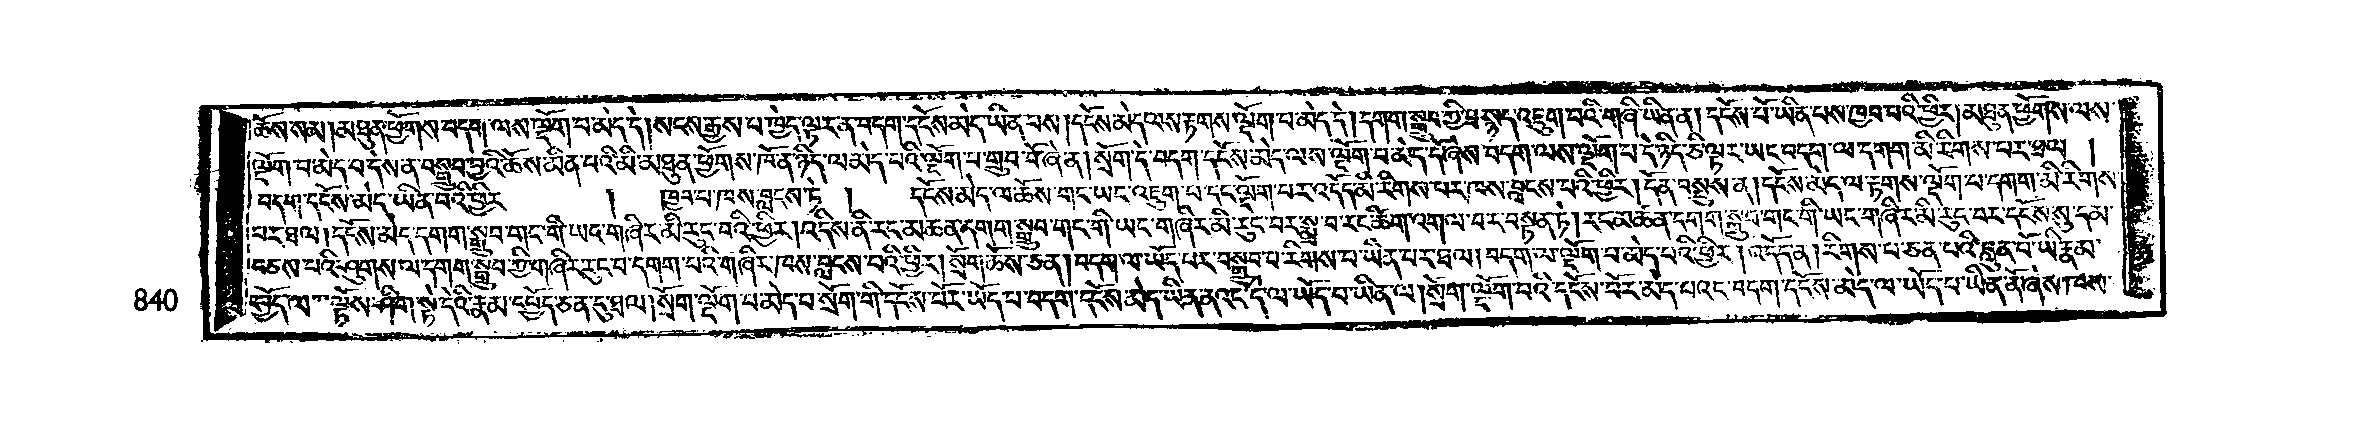ཆོས་སམ། མཐུན་ཕྱོགས་བདག་ལས་ལྡོག་པ་མེད་དེ། སངས་རྒྱས་པ་ཁྱེད་ལྟར་ན་བདག་དངོས་མེད་ཡིན་པས། དངོས་མེད་ལས་རྟགས་ལྡོག་པ་མེད་དེ། དགག་སྒྲུབ་ཀྱི་ཐ་སྙད་འཇུག་པའི་གཞི་ཡིན་ན། དངོས་པོ་ཡིན་པས་ཁྱབ་པའི་ཕྱིར། མཐུན་ཕྱོགས་ལས་
ལྡོག་པ་མེད་པ་དེས་ན་བསྒྲུབ་བྱའི་ཆོས་མིན་པའི་མི་མཐུན་ཕྱོགས་ཁོ་ན་ཉིད་ལ་མེད་པའི་ལྡོག་པ་གྲུབ་བོ་ཞེ་ན། སྲོག་དེ་བདག་དངོས་མེད་ལས་ལྡོག་པ་མེད་དོ་ཞེས་བདག་ལས་ལྡོག་པ་དེ་ཉིད་ཅི་ལྟར་ཡང་བདག་ལ་དགག་མི་རིགས་པར་ཐལ།
བདག་དངོས་མེད་ཡིན་པའི་ཕྱིར་།ཁྱབ་པ་ཁས་བླངས་ཏེ། དངོས་མེད་ལ་ཆོས་གང་ཡང་འཇུག་པ་དང་ལྡོག་པར་འདོད་མི་རིགས་པར་ཁས་བླངས་པའི་ཕྱིར། དོན་བསྡུས་ན། དངོས་མེད་ལ་རྟགས་ལྡོག་པ་དགག་མི་རིགས་
པར་ཐལ། དངོས་མེད་དགག་སྒྲུབ་གང་གི་ཡང་གཞིར་མི་རུང་བའི་ཕྱིར། འདིས་ནི་རང་མཚན་དགག་སྒྲུབ་གང་གི་ཡང་གཞིར་མི་རུང་བར་སྨྲ་བ་རང་ཚིག་འགལ་བར་བསྟན་ཏེ། རང་མཚན་དགག་སྒྲུབ་གང་གི་ཡང་གཞིར་མི་རུང་བར་དངོས་སུ་དམ་
བཅས་པའི་ཤུགས་ལ་དགག་སྒྲུབ་ཀྱི་གཞིར་རུང་བ་དགག་པའི་གཞིར་ཁས་བླངས་པའི་ཕྱིར། སྲོག་ཆོས་ཅན། བདག་ལ་ཡོད་པར་བསྒྲུབ་པ་རིགས་པ་ཡིན་པར་ཐལ། བདག་ལ་ལྡོག་པ་མེད་པའི་ཕྱིར། འདོད་ན། རིགས་པ་ཅན་པའི་བླུན་པོ་ཡི་རྣམ་
དཔྱོད་ལ་ལྟོས་ཤིག་སྟེ་དེའི་རྣམ་དཔྱོད་ཅན་དུ་ཐལ། སྲོག་ལྡོག་པ་མེད་པ་སྲོག་གི་དངོས་པོར་ཡོད་པ་བདག་དངོས་མེད་ཡིན་ནའང་དེ་ལ་ཡོད་པ་ཡིན་ལ། སྲོག་ལྡོག་པའི་དངོས་པོ་མེད་པའང་བདག་དངོས་མེད་ལ་ཡོད་པ་ཡིན་ནོ་ཞེས་ཁས་